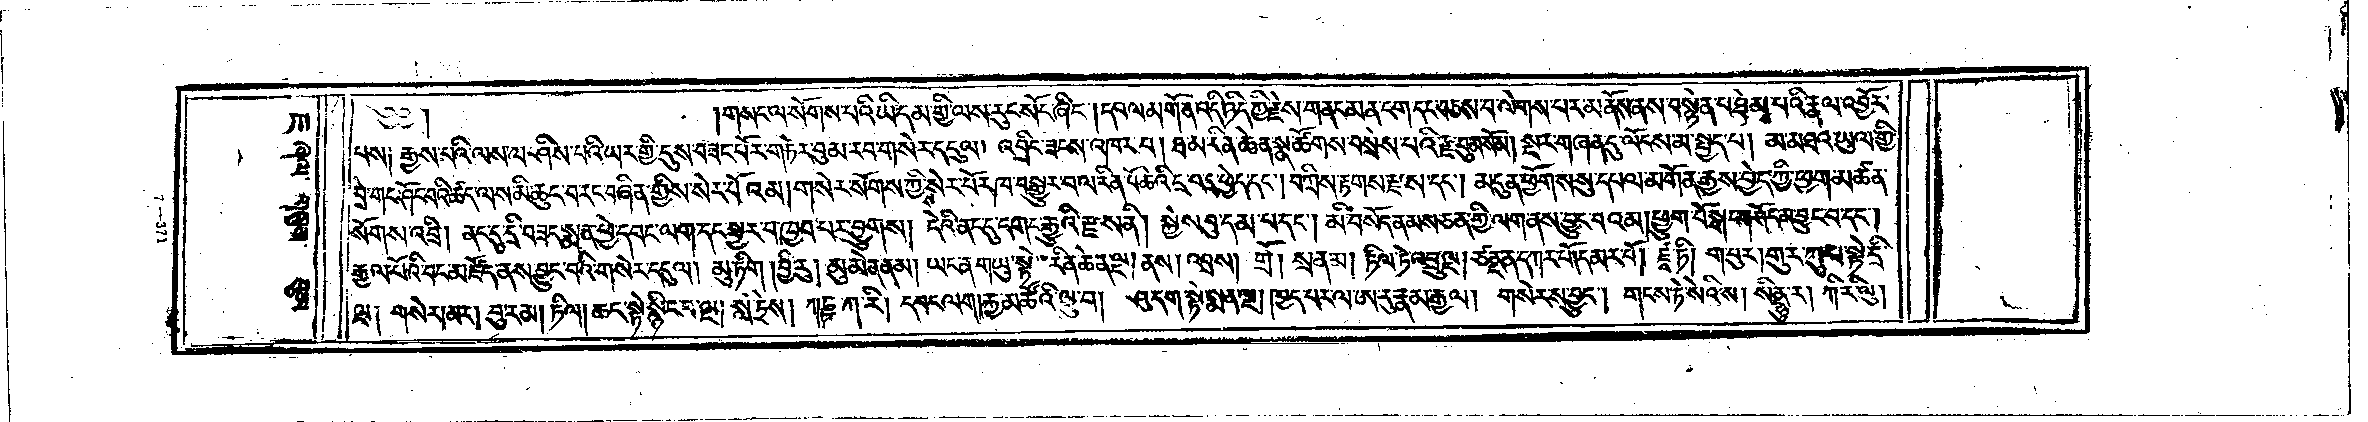༄༅། །གསང་ལ་སོགས་པའི་ཡིད་མ་གྱི་ལས་རུང་སོང་ཞིང་།དཔལ་མགོན་འདི་ཉིད་ཀྱི་རྗེས་གནང་མན་ངག་དང་བཅས་བ་ལེགས་པར་མ་ནོས་ནས་བསྙེན་པ་ཐེམས་པའི་རྣལ་འབྱོར་
པས། རྒྱས་པའི་ལས་ལ་ཤིས་པའི་ཡར་གྱི་དུས་བཟང་པོར་གཏེར་བུམ་རབ་གསེར་དངུལ། འབྲིང་ཟངས་འཁར་བ། ཐམ་རིན་ཆེན་སྣ་ཚོགས་བསྲེས་པའི་རྫ་བུམ་སོམ། སྔར་གཞན་དུ་ལོངས་མ་སྤྱད་པ། མ་མཐའ་ཡུལ་གྱི་
བྲེ་གང་ཤོང་བའི་ཚད་ལས་མི་ཆུང་བ་རང་བཞིན་གྱིས་སེར་བོའམ། གསེར་སོགས་ཀྱིས་སེར་པོར་ཁ་བསྒྱུར་བ་ལ་རིན་པོ་ཆེའི་དྲ་བ་དྲ་ཕྱེད་དང་། བཀྲིས་རྟགས་རྫས་དང་། མདུན་ཕྱོགས་སུ་དཔལ་མགོན་རྒྱས་བྱེད་ཀྱི་ཕྱག་མཚན་
སོགས་འབྲི། ནང་དུ་དྲི་བཟང་སྨན་ཕྱེ་དབང་ལག་དང་སྦྱར་བ་ཁྱབ་པར་བྱུགས། དེའི་ནང་དུ་དགང་རྒྱུའི་རྫས་ནི། སྐྱེས་བུ་དམ་པ་དང་། མི་བསོད་ནམས་ཅན་གྱི་ལག་ནས་བྱུང་བའམ། ཕྱུག་བོ་སྒང་གཞོདས་མ་བྱུང་བ་དང་།
རྒྱལ་པོའི་བང་མཛོད་ནས་བྱུང་བའི་གསེར་དངུལ། མུ་ཏིག །བྱི་རུ། མུ་མེན་ནམ། ཡང་ན་གཡུ་སྟེ་རིན་ཆེན་ལྔ། ནས། འབྲས། གྲོ། སྲན་མ། ཏིལ་ཏེ་འབྲུ་ལྔ། ཙནྡན་དཀར་གོ་དམར་པོ། ཛཱ་ཏི། ག་བུར། གུར་གུམ་སྟེ་དྲི་
ལྔ༑ གསེར། མར། བུ་རམ། ཏིལ། ཆང་སྟེ་སྙིང་པོ་ལྔ། སླེ་ཏྲེས། ཀཎྜ་ཀ་རི། དབང་ལག ། རྒྱ་མཚོའི་ལྦུ་བ། ཤུ་དག་སྟེ་སྨན་ལྔ། ཁྱད་པར་ལ་ཨརུ་རྣམ་རྒྱལ། གསེར་རས་བྱུང་། གངས་ཏེ་སེའི་ས། སིནྡྷུ་ར། ཀ་རི་ལུ།